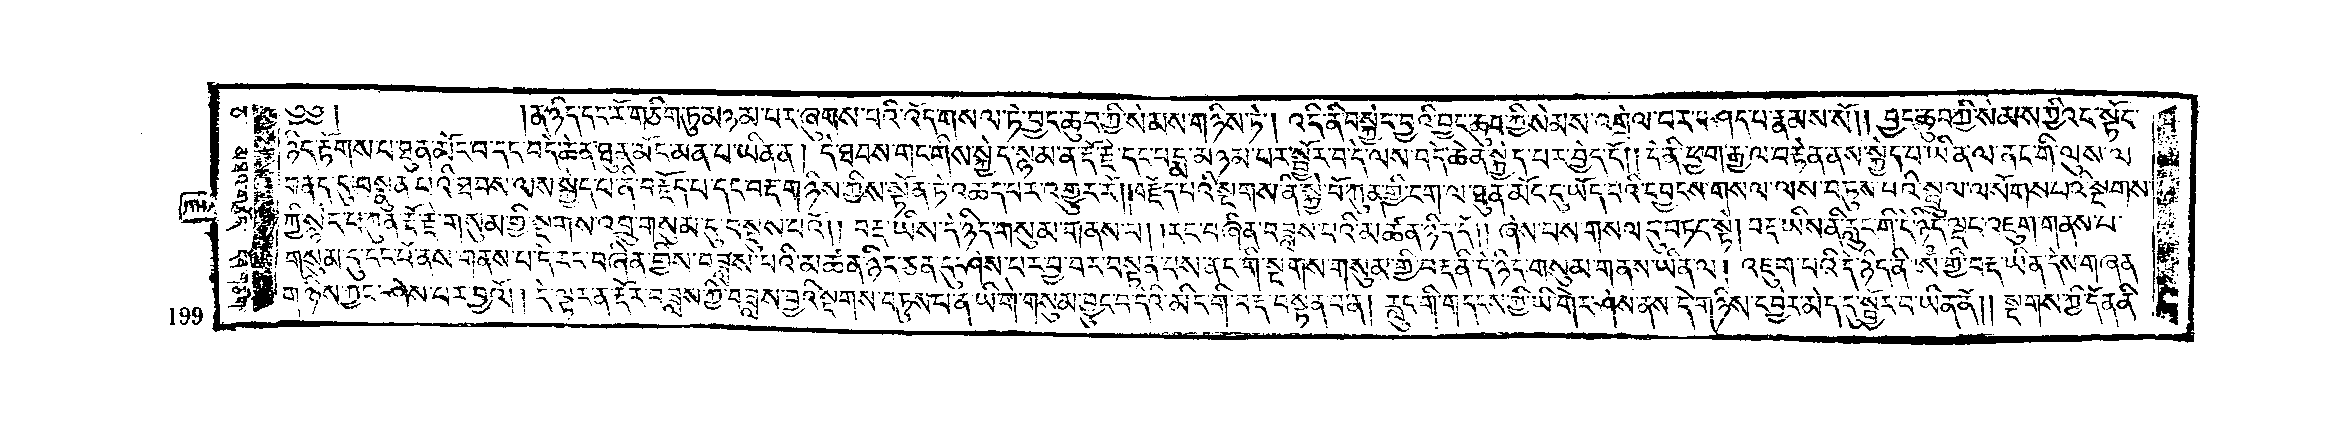༄༅། །ན་ཉིད་དང་རོ་གཅིག་ཏུ་མཉམ་པར་ཞུགས་པའི་འོད་གསལ་ཏེ་བྱང་ཆུབ་ཀྱི་སེམས་གཉིས་ཏེ། འདི་ནི་བསྐྱེད་བྱའི་བྱང་ཆུབ་ཀྱི་སེམས་འགྲེལ་བར་བཤད་པ་རྣམས་སོ། །བྱང་ཆུབ་ཀྱི་སེམས་ཀྱིའང་སྟོང་
ཉིད་རྟོགས་པ་ཐུན་མོང་བ་དང་བདེ་ཆེན་ཐུན་མོང་མིན་པ་ཡིན་ན། དེ་ཐབས་གང་གིས་སྐྱེད་སྙམ་ན་རྡོ་རྗེ་དང་པདམ་མཉམ་པར་སྦྱོར་བ་དེ་ལས་བདེ་ཆེན་སྐྱེད་པར་བྱེད་དོ། །དེ་ནི་ཕྱག་རྒྱ་ལ་བརྟེན་ནས་སྐྱེད་པ་ཡིན་ལ་ནང་གི་ལུས་ལ་
གནད་དུ་བསྣུན་པའི་ཐབས་ལས་སྐྱེད་པ་ནི་བརྗོད་པ་དང་བརྡ་གཉིས་ཀྱིས་སྟོན་ཏེ་འཆད་པར་འགྱུར་རོ། །བརྗོད་པའི་སྔགས་ནི་སྐྱེ་བོ་ཀུན་གྱི་ངག་ལ་ཐུན་མོང་དུ་ཡོད་པའི་དབྱངས་གསལ་ལས་བཏུས་པའི་སྦྲུལ་ལ་སོགས་པའི་སྔགས་
ཇི་སྙེད་པ་ཀུན་རྡོ་རྗེ་གསུམ་གྱི་སྔགས་འབྲུ་གསུམ་དུ་བསྡུས་པའོ། །བརྡ་ཡིས་དེ་ཉིད་གསུམ་གནས་པ། །རང་བཞིན་བཟླས་པའི་མཚན་ཉིད་དོ། །ཞེས་པས་གསལ་དུ་བཏང་སྟེ། བརྡ་ཡིས་ནི་རླུང་གི་དེ་ཉིད་ལྡང་འཇུག་གནས་པ་
གསུམ་དུ་དང་པོ་ནས་གནས་པ་དེ་རང་བཞིན་གྱིས་བཟླས་པའི་མཚན་ཉིད་ཅན་དུ་ཤེས་པར་བྱ་བར་བསྟན་པས་ནང་གི་སྔགས་གསུམ་གྱི་བརྡ་ནི་དེ་ཉིད་གསུམ་གནས་ཡིན་ལ། འཇུག་པའི་དེ་ཉིད་ནི་ཨོཾ་གྱི་བརྡ་ཡིན་དེས་གཞན་
གཉིས་ཀྱང་ཤེས་པར་བྱའོ། །དེ་ལྟར་ན་རྡོར་བཟླས་ཀྱི་བཟླས་བྱའི་སྔགས་བཏུས་པ་ན་ཡི་གེ་གསུམ་བྱུང་བ་དེའི་མིང་གི་བརྡ་བསྟན་པ་ན། རླུང་གི་གདངས་ཀྱི་ཡི་གེར་ཤེས་ནས་དེ་གཉིས་དབྱེར་མེད་དུ་སྦྱོར་བ་ཡིན་ནོ། །སྔགས་ཀྱི་དོན་ནི་